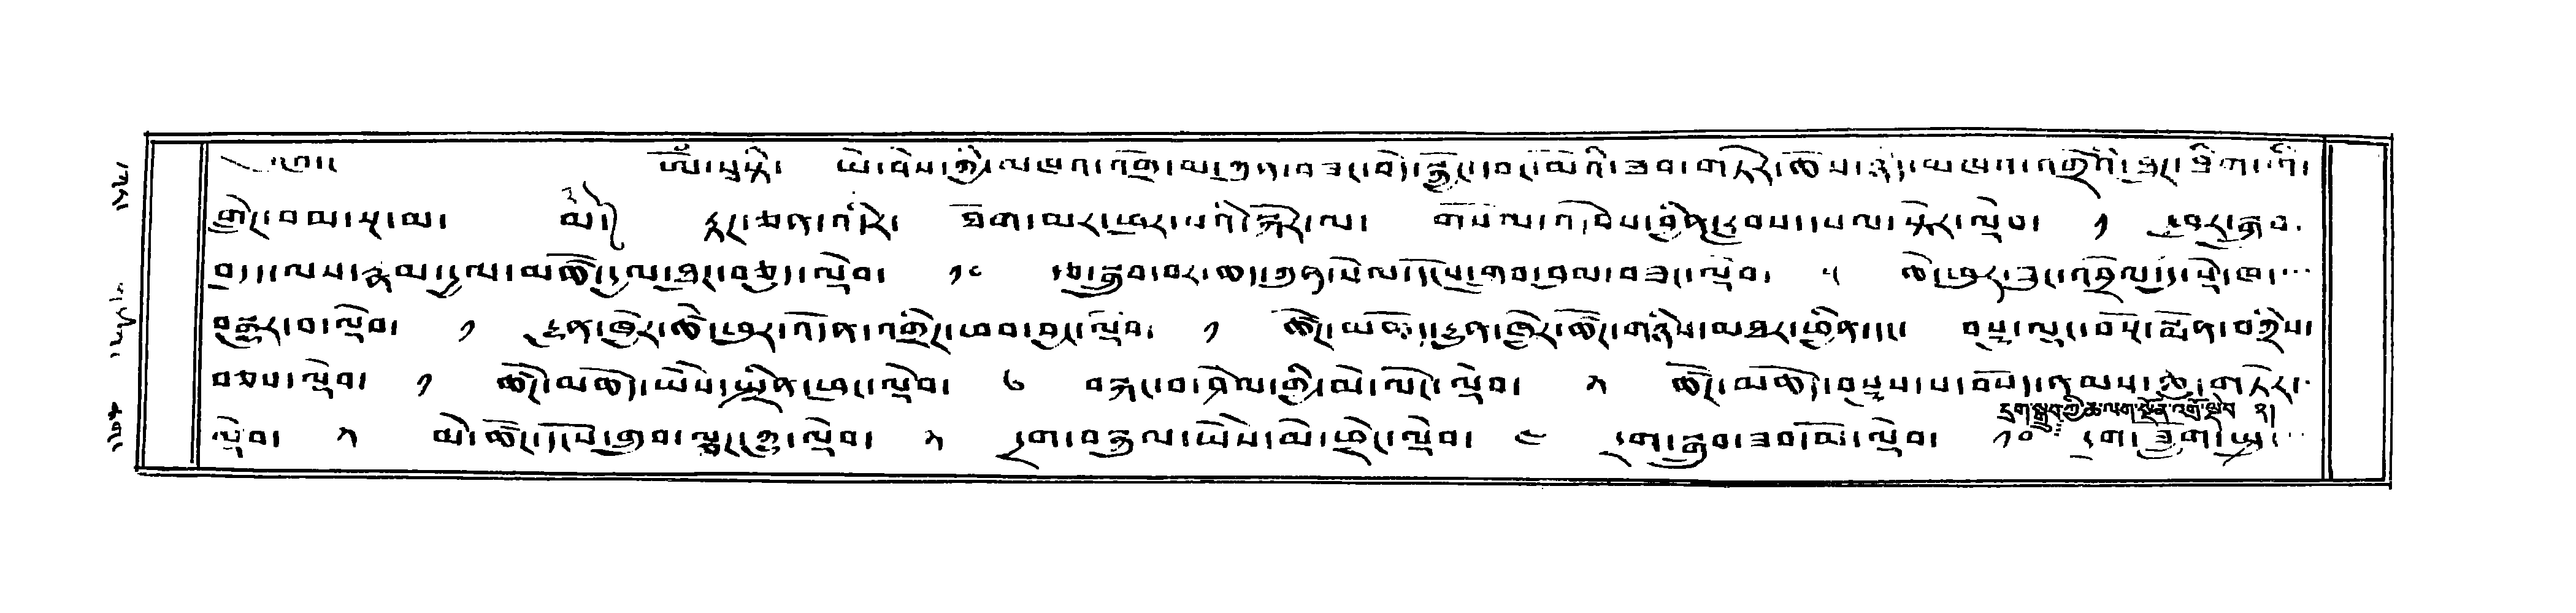༄༅། ཨོཾ་སྭ་སྟི། ཡེ་ཤེས་ཀྱི་མཁའ་འགྲོ་མ་ཀུན་བཟང་བདེ་སྐྱོང་དབང་མོའི་ཟབ་གཏེར་ཆོས་ཉིད་མཁའ་འགྲོའི་ཐུགས་ཐིག་གི་
གླེགས་བམ་གསུམ་པ། མ་༽རྟགས་ཅན་འདིར། ཐོག་མར་ཕུར་པའི་སྐོར་ལ། གསོལ་འདེབས་བྱིན་རླབས་དཔལ་སྟེར་ལྡེབ། ཕུར་སྒྲུབ་
བདུད་ལས་རྣམ་རྒྱལ་མཚོ་རྒྱལ་ཐུགས་བཅུད་ལྡེབ། རྩ་སྒྲུབ་བར་ཆད་ཀུན་སེལ་དངོས་གྲུབ་བུམ་བཟང་ལྡེབ། ཚེ་ཕུར་ཟུང་འབྲེལ་དུ་ལྡེ་ཁ་
བསྒྱུར་བ་ལྡེབ། རྒྱུན་ཁྱེར་ཚེ་ཕུར་འདོན་འགྲིགས་གབ་བྱང་ལྡེབ། ཚོགས་མཆོད་རྒྱུན་ཁྱེར་ཚོགས་གཉིས་མཐར་ཕྱིན་དང་། བསྡུ་ལྡང་བསྔོ་སྨོན་བཀྲ་ཤིས་
བཅས་ལྡེབ། ཚོགས་མཆོད་ཡེ་ཤེས་སྤྲིན་ཕུང་ལྡེབ། བསྐང་བ་ཤེལ་གྱི་མེ་ལོང་ལྡེབ། ཚོགས་མཆོད་བསྡུས་པ་བསོད་ནམས་ཆུ་གཏེར་
ལྡེབ། མེ་ཚོགས་དངོས་གྲུབ་ལྕགས་ཀྱུ་ལྡེབ། དྲག་བསྐུལ་ཡེ་ཤེས་མེ་ཕྲེང་ལྡེབ། དྲག་སྒྲུབ་ཟབ་མོ་ལྡེབ། དྲག་སྒྲུབ་ཀྱི་ཆ་ལག་སྔོན་འགྲོ་ལྡེབ། དྲག་ཟློག་སྤུ་